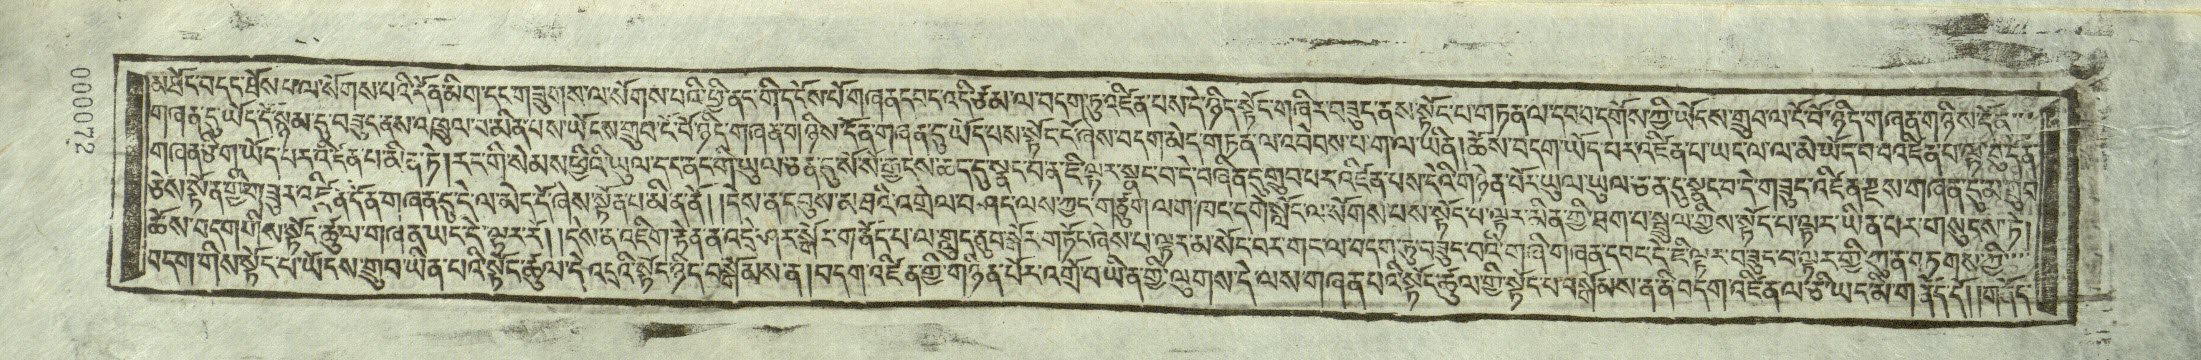མཐོང་བ་དང་ཐོས་པ་ལ་སོགས་པའི་དོན་མིག་དང་གཟུགས་ལ་སོགས་པའི་ཕྱི་ནང་གི་དངོས་པོ་གཞན་དབང་འདི་ཙམ་ལ་བདག་ཏུ་འཛིན་པས་དེ་ཉིད་སྟོང་གཞིར་བཟུང་ནས་སྟོང་པ་གཏན་ལ་དབབ་དགོས་ཀྱི་ཡོངས་གྲུབ་ལ་ངོ་བོ་ཉིད་གཞན་གཉིས་དོན་
གཞན་དུ་ཡོད་དོ་སྙམ་དུ་བཟུང་ནས་འཁྲུལ་བ་མིན་པས་ཡོངས་གྲུབ་ངོ་བོ་ཉིད་གཞན་གཉིས་དོན་གཞན་དུ་ཡོད་པས་སྟོང་ངོ་ཞེས་བདག་མེད་གཏན་ལ་འབེབས་པ་ག་ལ་ཡིན། ཆོས་བདག་ཡོད་པར་འཛིན་པ་ཡང་ལ་ལ་མེ་ཡོད་པར་འཛིན་པ་ལྟ་བུ་དོན་
གཞན་ཅིག་ཡོད་པར་འཛིན་པ་མིན་ཏེ། རང་གི་སེམས་ཕྱིའི་ཡུལ་དང་ནང་གི་ཡུལ་ཅན་དུ་སོ་སོ་རྒྱངས་ཆད་དུ་སྣང་བ་ན་ཇི་ལྟར་སྣང་བ་དེ་བཞིན་དུ་གྲུབ་པར་འཛིན་པས་དེའི་གཉེན་པོར་ཡུལ་ཡུལ་ཅན་དུ་སྣང་བ་དེ་གཟུང་འཛིན་རྫས་གཞན་དུ་མ་གྲུབ་
ཅེས་སྟོན་གྱི་གཟུང་འཛིན་དོན་གཞན་དུ་དེ་ལ་མེད་དོ་ཞེས་སྟོན་པ་མིན་ནོ། །དེས་ན་དབུས་མཐའི་འགྲེལ་བཤད་ལས་ཀྱང་གཙུག་ལག་ཁང་དགེ་སློང་ལ་སོགས་པས་སྟོང་བ་ལྟར་མིན་གྱི་ཐག་པ་སྤྲུལ་གྱིས་སྟོང་བ་ལྟར་ཡིན་པར་གསུངས་ཏེ།
ཆོས་བདག་གིས་སྟོང་ཚུལ་གཞན་ཡང་དེ་ལྟར་རོ། །དེས་ན་འཇིག་རྟེན་ན་འདྲེ་ཤར་སྒོར་གནོད་པ་ལ་གླུད་ནུབ་སྒོར་གཏོང་ཞེས་པ་ལྟར་མ་སོང་བར་གང་ལ་བདག་ཏུ་བཟུང་བའི་གཞི་གཞན་དབང་དེ་ཇི་ལྟར་བཟུང་བལྟར་གྱི་ཀུན་བརྟགས་ཀྱི་
བདག་གིས་སྟོང་པ་ཡོངས་གྲུབ་ཡིན་པའི་སྟོང་ཚུལ་དེ་འདྲའི་སྟོང་ཉིད་བསྒོམས་ན། བདག་འཛིན་གྱི་གཉེན་པོར་འགྲོ་བ་ཡིན་གྱི་ལུགས་དེ་ལས་གཞན་པའི་སྟོང་ཚུལ་གྱི་སྟོང་པ་བསྒོམས་ན་ནི་བདག་འཛིན་ལ་ཅི་ཡང་མི་གནོད་དོ། །གནོད་